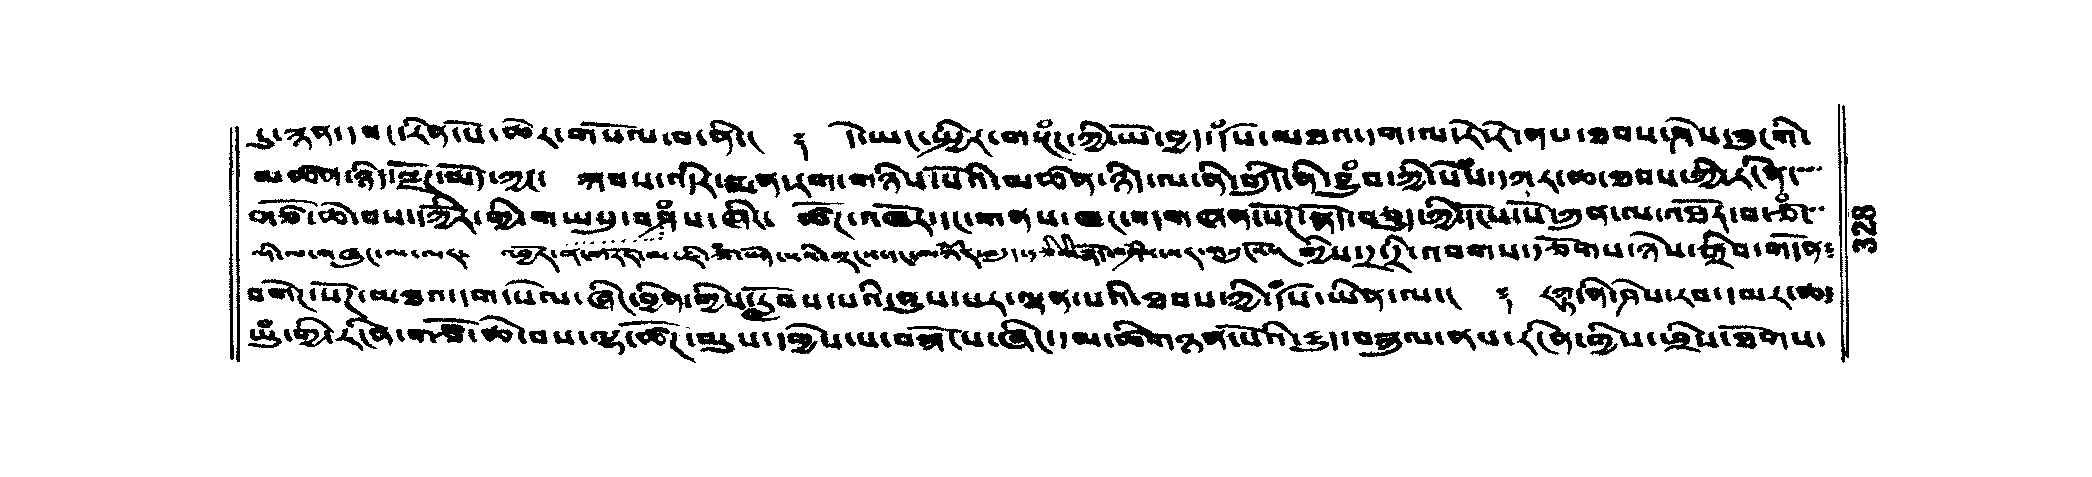དུ་སྙན་དབང་རིན་པོ་ཆེར་གསོལ་བ་ནི། ༈ དེ་ཡང་སྤྱིར་གསང་སྔགས་ཀྱི་ཡོ་བྱད་དམ་རྫས་མཐའ་དག་ལ་རེ་རེ་ནས་ཐབས་ཤེས་ཟུང་འཇུག་གི་
མཚན་ཉིད་རྫོགས་མོད་ཀྱང་། སྐབས་འདིར་སྨན་རག་གཉིས་པོའི་མཚན་ཉིད་ལ་ནི་བདུད་རྩི་ནི་བྱང་ཆུབ་ཀྱི་སེམས་དཀར་ཆ་ཐབས་ཀྱི་རང་བཞིན་
གཙོ་ཆེ་བས་དཀྱིལ་འཁོར་གྱི་གཡས་སུ་ ཚོགས་འཁོར་དང་གནས་ཁང་བདག་གཞན་སོགས་སྣོད་བཅུད་ཀྱི་དངོས་པོ་ཀུན་ལ་འཐོར་བ་ཙམ་
འདི་ལ་གཞུང་ལ་ལར། འབྱོར་ན་གཏོར་མ་ཇི་ཙམ་ཡོད་པའི་གྲངས་དང་མཉམ་པར་བདུད་རྩིའི་སྣོད་བཤམས་པར་གསུངས་སོ། གྱིས་སྒྲ་དྲི་འབག་གཙོག་ཉེས་སྒྲིབ་གདོན་
བགེགས་སོགས་མཐའ་དག་སེལ་ཞིང་བྱིན་གྱིས་རླབས་པའི་ནུས་པར་ལྡན་པའི་ཐབས་ཀྱི་དམ་རྫས་ཡིན་ལ། ༈ རཀྟ་ནི་ཤེས་རབ་དམར་ཆ་
ཡུམ་གྱི་རང་བཞིན་གཙོ་ཆེ་བས་ལྷ་ཚོགས་མ་ལུས་དགྱེས་པ་བསྐོངས་ཞིང་དམ་ཚིག་ཉན་པོའི་རྒྱུད་བསྐུལ་ནས་རང་བཞིན་གྱིས་ཕྲིན་ལས་ཐོགས་